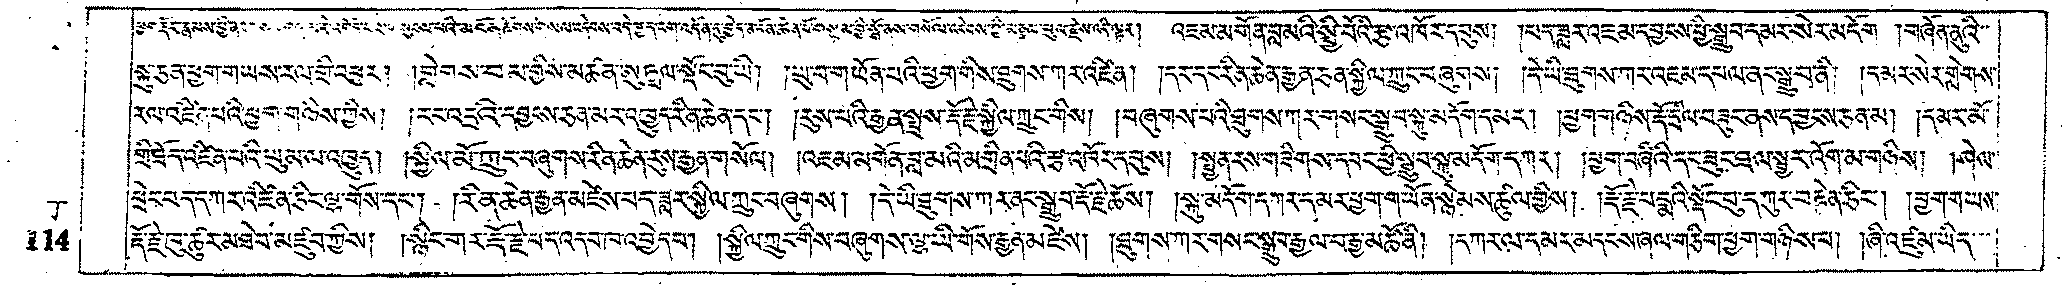ཕྱག་རྡོར་རྣམས་ཕྱི་ནང་གསར་གསུམ་རེ་འགོད་པར་གསུངས་པའི་མངོན་རྟོགས་གསལ་འདེབས་བདེ་ཁྱད་ངག་འདོན་དུ་བྱེད་ན་དོན་ཆེན་པོ་གསུམ་གྱི་སྒོ་ནས་གསོལ་འདེབས་ཀྱི་མཎྜལ་ཕུལ་རྗེས་འདི་ལྟར། འཇམ་མགོན་བླ་མའི་སྤྱི་བོའི་རྩ་འཁོར་དབུས། །པད་ཟླར་འཇམ་དབྱངས་ཕྱི་སྒྲུབ་དམར་སེར་མདོག །གཞོན་ནུའི་་་
སྐུ་ཅན་ཕྱག་གཡས་རལ་གྲི་འཕྱར། །གླེགས་བམ་གྱིས་མཚན་ཨུཏྤལ་སྡོང་བུ་ཡི། །ཡུ་བ་གཡོན་པའི་ཕྱག་གིས་ཐུགས་ཀར་འཛིན། །དར་དང་རིན་ཆེན་རྒྱན་ཅན་སྐྱིལ་ཀྲུང་བཞུགས། །དེ་ཡི་ཐུགས་ཀར་འཇམ་དཔལ་ནང་སྒྲུབ་ནི། །དམར་སེར་གླེགས་
རལ་འཛིན་པའི་ཕྱག་གཉིས་ཀྱིས། །རང་འདྲའི་དབྱངས་ཅན་མར་འཁྱུད་རིན་ཆེན་དང་། །རུས་པའི་རྒྱན་སྤྲས་རྡོ་རྗེ་སྐྱིལ་ཀྲུང་གིས། །བཞུགས་པའི་ཐུགས་ཀར་གསང་སྒྲུབ་སྐུ་མདོག་དམར། །ཕྱག་གཉིས་རྡོ་དྲིལ་བཟུང་ནས་དབྱངས་ཅན་མ། །དམར་མོ་
གྲི་ཐོད་འཛིན་པའི་ཡུམ་ལ་འཁྱུད། །སྐྱིལ་མོ་ཀྲུང་བཞུགས་རིན་ཆེན་རུས་རྒྱན་གསོལ། །འཇམ་མགོན་བླ་མའི་མགྲིན་པའི་རྩ་འཁོར་དབུས། །སྤྱན་རས་གཟིགས་དབང་ཕྱི་སྒྲུབ་སྐུ་མདོག་དཀར། །ཕྱག་བཞིའི་དང་ཟུང་ཐལ་སྦྱར་འོག་མ་གཉིས། །ཤེལ་
ཕྲེང་པད་དཀར་འཛིན་ཅིང་ལྷ་གོས་དང་། །རིན་ཆེན་རྒྱན་མཛེས་པད་ཟླར་སྐྱིལ་ཀྲུང་བཞུགས། །དེ་ཡི་ཐུགས་ཀར་ནང་སྒྲུབ་རྡོ་རྗེ་ཆོས། །སྐུ་མདོག་དཀར་དམར་ཕྱག་གཡོན་སྙེམས་ཚུལ་གྱིས། །རྡོ་རྗེ་པདམའི་སྡོང་པུ་དཀུར་བརྟེན་ཅིང་། །ཕྱག་གཡས་
རྡོ་རྗེ་ཁུ་ཚུར་མཐེབ་མཛུབ་ཀྱིས། །སྙིང་གར་རྡོ་རྗེ་པད་འདབ་ཁ་འབྱེད་པ། །སྐྱིལ་ཀྲུང་གིས་བཞུགས་ལྷ་ཡི་གོས་རྒྱན་མཛེས། །ཐུགས་ཀར་གསང་སྒྲུབ་རྒྱལ་བ་རྒྱ་མཚོ་ནི། །དཀར་ལ་དམར་མདངས་ཞལ་གཅིག་ཕྱག་གཉིས་པ། །ཞི་འཛུམ་ཡིད་་་